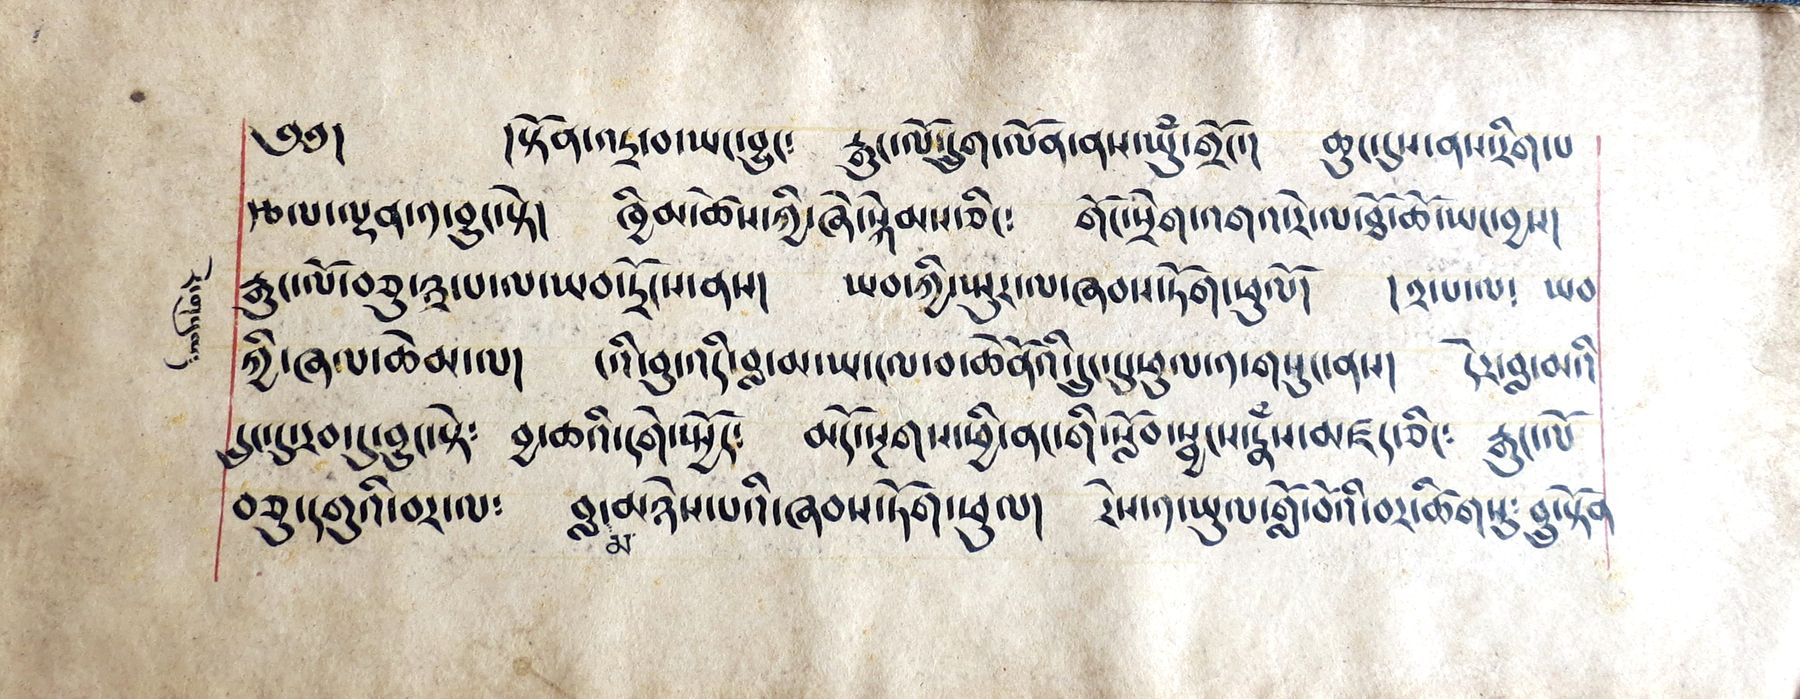སྟོན་འདྲ་བ་ཡང་བྱུང་། རྒུང་ལོ་དྲུག་ལོན་ནས་ཡུམ་གྲོངས། ཆུང་དུས་ནས་རིག་པ་
རྩལ་ལྡན་ཅིག་བྱུང་སྟེ། ཁྱིམ་ཚེས་ཀྱི་ཞེ་སྐེབས་ཅིང་། གོང་སྲེག་འགའ་རེ་ལ་ཐོ་ཅོ་ཡང་བྱས། 
དགུང་ལོ་བཅུ་གསུམ་པ་ལ་ཡབ་གྲོངས་ནས། ཡབ་ཀྱི་སྤུར་ལ་ཞབས་ཏོག་ཕུལ་ལོ། གཉིས་པ་ལ་ཡབ་
ཀྱི་ཞལ་ཆེམ་ལ། ངའི་བུ་འདི་བླ་མ་ཡ་ངལ་བ་ཆེན་པོའི་དྲུང་དུ་ཕུལ་ཅིག་གསུངས་ནས། དེར་བླ་མའི་
དྲུང་དུ་རབ་ཏུ་བྱུང་སྟེ། བྱ་ཆ་དགེ་སྤྱོད། མདོ་སྔགས་ཕྱི་ནང་གི་སློབ་སྦྱོང་རྣམས་མཛད་ཅིང་། དགུང་ལོ་
བཅུ་དགུའི་བར་ལ་བླ་མ་མཉེས་པའི་ཞབས་ཏོག་ཕུལ། རེས་ཅིག་ཡུལ་གློ་བོའི་བར་ཚིགས་སུ་བྲུ་སྟོན་